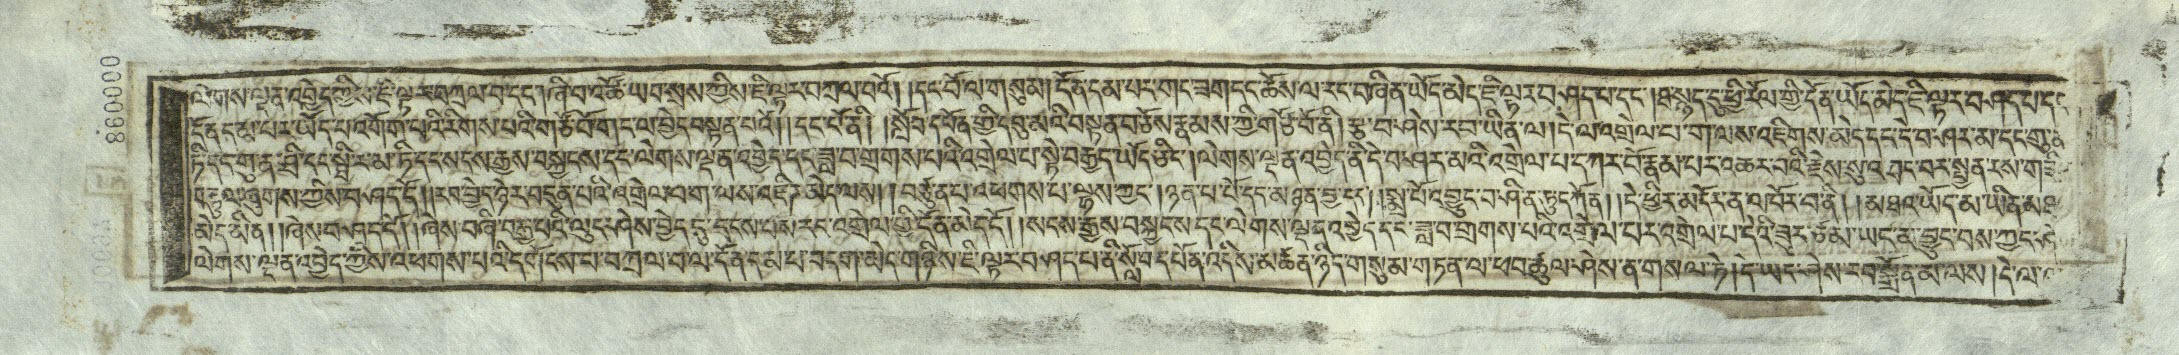ལེགས་ལྡན་འབྱེད་ཀྱིས་ཇི་ལྟར་བཀྲལ་བ་དང་། ཞི་བ་འཚོ་ཡབ་སྲས་ཀྱིས་ཇི་ལྟར་བཀྲལ་བའོ། །དང་པོ་ལ་གསུམ། དོན་དམ་པར་གང་ཟག་དང་ཆོས་ལ་རང་བཞིན་ཡོད་མེད་ཇི་ལྟར་བཤད་པ་དང་། ཐ་སྙད་དུ་ཕྱི་རོལ་གྱི་དོན་ཡོད་མེད་ཇི་ལྟར་བཤད་པ་དང་།
དོན་དམ་པར་ཡོད་པ་འགོག་པའི་རིགས་པའི་གཙོ་བོ་གང་ལ་བྱེད་བསྟན་པའོ། །དང་པོ་ནི། སློབ་དཔོན་གྱི་དབུ་མའི་བསྟན་བཅོས་རྣམས་ཀྱི་གཙོ་བོ་ནི། རྩ་བ་ཤེས་རབ་ཡིན་ལ། དེ་ལ་འགྲེལ་པ་ག་ལས་འཇིགས་མེད་དང་དེ་བ་ཤར་མ་དང་གུ་ན་མ་
ཏི་དང་གུ་ན་ཤྲི་དང་སྠི་ར་མ་ཏི་དང་སངས་རྒྱས་བསྐྱངས་དང་ལེགས་ལྡན་འབྱེད་དང་ཟླ་བ་གྲགས་པའི་འགྲེལ་པ་སྟེ་བརྒྱད་ཡོད་ཅིང་། ལེགས་ལྡན་འབྱེད་ནི་དེ་བ་ཤར་མའི་འགྲེལ་པ་དཀར་པོ་རྣམ་པར་འཆར་བའི་རྗེས་སུ་འབྲང་བར་སྤྱན་རས་གཟིགས་
བརྟུལ་ཞུགས་ཀྱིས་བཤད་དོ། །རབ་བྱེད་ཉེར་བདུན་པའི་འགྲེལ་བ་ག་ལས་འཇིགས་མེད་ལས་།བཙུན་པ་འཕགས་པ་ལྷས་ཀྱང་། ཉན་པ་པོ་དང་མཉན་བྱ་ལ། །སྨྲ་པོ་འབྱུང་བ་ཤིན་ཏུ་དཀོན། །དེ་ཕྱིར་མདོར་ན་འཁོར་བ་ནི། །མཐའ་ཡོད་མ་ཡིན་མཐའ་
མེད་མིན། །ཞེས་བཤད་དོ། །ཞེས་བཞི་བརྒྱ་པའི་ལུང་ཤེས་བྱེད་དུ་དྲངས་པས་རང་འགྲེལ་གྱི་དོན་མེད་དོ། །སངས་རྒྱས་བསྐྱངས་དང་ལེགས་ལྡན་འབྱེད་དང་ཟླ་བ་གྲགས་པའི་འགྲེལ་པར་འགྲེལ་པ་དེའི་ཟུར་ཙམ་ཡང་མ་བྱུང་བས་ཀྱང་ཤེས་སོ།
ལེགས་ལྡན་འབྱེད་ཀྱིས་འཕགས་པའི་དགོངས་པ་བཀྲལ་བ་ལ་དོན་དམ་པ་བདག་མེད་གཉིས་ཇི་ལྟར་བཤད་པ་ནི་སློབ་དཔོན་འདིས་མཚན་ཉིད་གསུམ་གཏན་ལ་ཕབ་ཆུལ་ཤེས་ན་གསལ་ཏེ། དེ་ཡང་ཤེས་རབ་སྒྲོན་མ་ལས། དེ་ལ་འདིར་